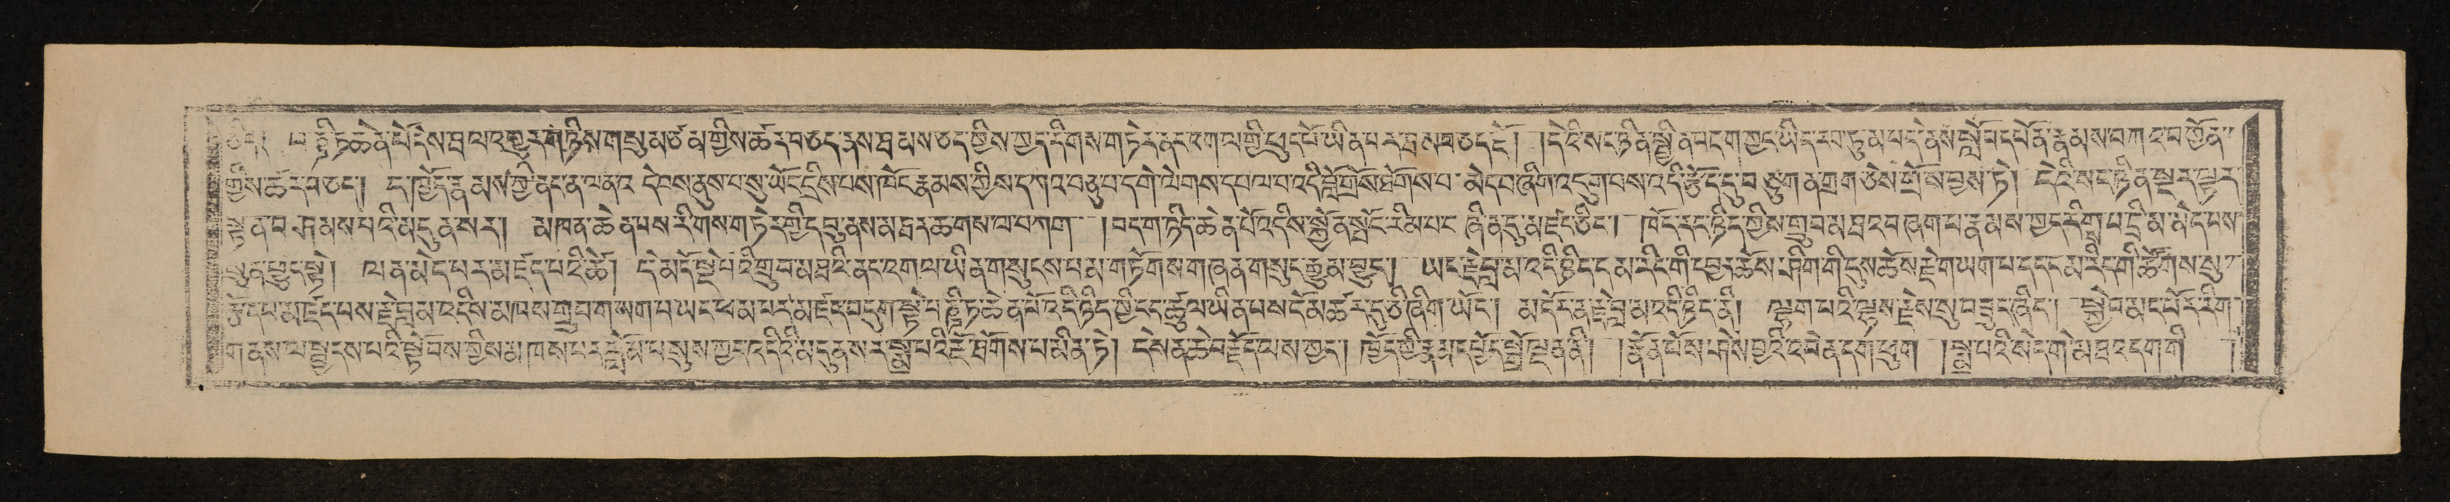ཅིང༑ པཎྜི་ཏ་ཆེན་པོ་དེས་ཐལ་འགྱུར་གཉིས་གསུམ་ཙམ་གྱིས་ཚར་བཅད་ནས་ཐམས་ཅད་ཀྱིས་ཀྱང་རིགས་གཏེར་ནང་འགལ་གྱི་ཕུང་པོ་ཡིན་པར་ཐག་བཅད་དོ། །དེའི་སང་ཉིན་སྦྱིན་བདག་ཀྱང་ཡིད་རབ་ཏུ་མ་བདེ་ནས་སློབ་དཔོན་རྣམས་བཀའ་བཀྱོན་
གྱིས་ཚར་བཅད། ད་ཁྱོད་རྣམས་ཀྱི་ནང་ན་ལན་འདེབས་ནུས་བསུ་ཡོད་དྲིས་པས་ཁོང་རྣམས་ཀྱིས་དཀའ་བཅུ་པ་དགེ་ལེགས་དཔལ་པ་འདི་བློ་གྲོས་ཐོགས་པ་མེད་པ་ཞིག་འདུག་པས་འདི་རྩོད་དུ་བཅུག་ན་གྲག་ཅེས་གྲོས་བྱས་ཏེ། དེའི་སད་ཉིན་སྔར་ལྟར་
སྟན་པ་ཤམས་པའི་མདུན་སར། མཁན་ཆེན་པས་རིགས་གཏེར་གྱི་དབུ་ནས་མཐར་ཆགས་ལ་བཀག །བདག་ཉིད་ཆེན་པོ་འདིས་སྐྱོན་སྤོང་རིམ་པ་བཞིན་དུ་མཛད་ཅིང་། ཁོང་རང་ཉིད་ཀྱིས་གྲུབ་མཐའ་བཞག་པ་རྣམས་ཀྱང་རིགས་པ་དྲི་མ་མེད་པས་
སུན་བྱུང་སྟེ། ལན་མེད་པར་མཛད་པའི་ཚེ། དེ་མདོ་སྡེ་པའི་གྲུབ་མཐའི་ནང་འགལ་ཡིན་གསུངས་པ་མ་གཏོགས་གཞན་གསུང་རྒྱུ་མ་བྱུང་། ཡང་རྗེ་བླ་མ་འདི་ཉིད་དམ་རིང་གི་དབྱར་ཆོས་ཤིག་གི་དུས་ཆོས་རྗེ་གཡག་པ་དང་ངམ་རིང་གི་ཚོགས་སུ་
རྩོད་པ་མཛད་པས་རྗེ་བླ་མ་འདིས་མཁས་གྲུབ་གཡག་པ་ཡང་ཕམ་པར་མཛད་འདུག་སྟེ་པཎྜི་ཏ་ཆེན་པོ་འདི་ཉིད་ཀྱི་ངང་ཚུལ་ཡིན་པས་ངོ་མཚར་དུ་ཅི་ཞིག་ཡོད། མདོར་ན་རྗེ་བླ་མ་འདི་ཉིད་ནི། ལྷག་པའི་ལྷས་རྗེས་སུ་བཟུང་ཞིང་། སྐྱེ་བ་མང་པོར་རིག་
གནས་ལ་སྤྱངས་པའི་སྟོབས་ཀྱིས་མཁས་པར་རློམ་པ་སུས་ཀྱང་འདིའི་མདུན་ཐར་སྨྲ་བའི་རྡོ་ཐོགས་པ་མིན་ཏེ། དེས་ན་ཆེ་བརྗོད་ལས་ཀྱང་། ཁྱོད་ཀྱི་རྣམ་དཔྱོད་སྒྲོ་ལྡན་ནི། །རྣོན་པོས་ཤེས་བྱའི་འབེན་དག་ཕུག །སྨྲ་བའི་སེང་གེ་མཐའ་དག་གི །